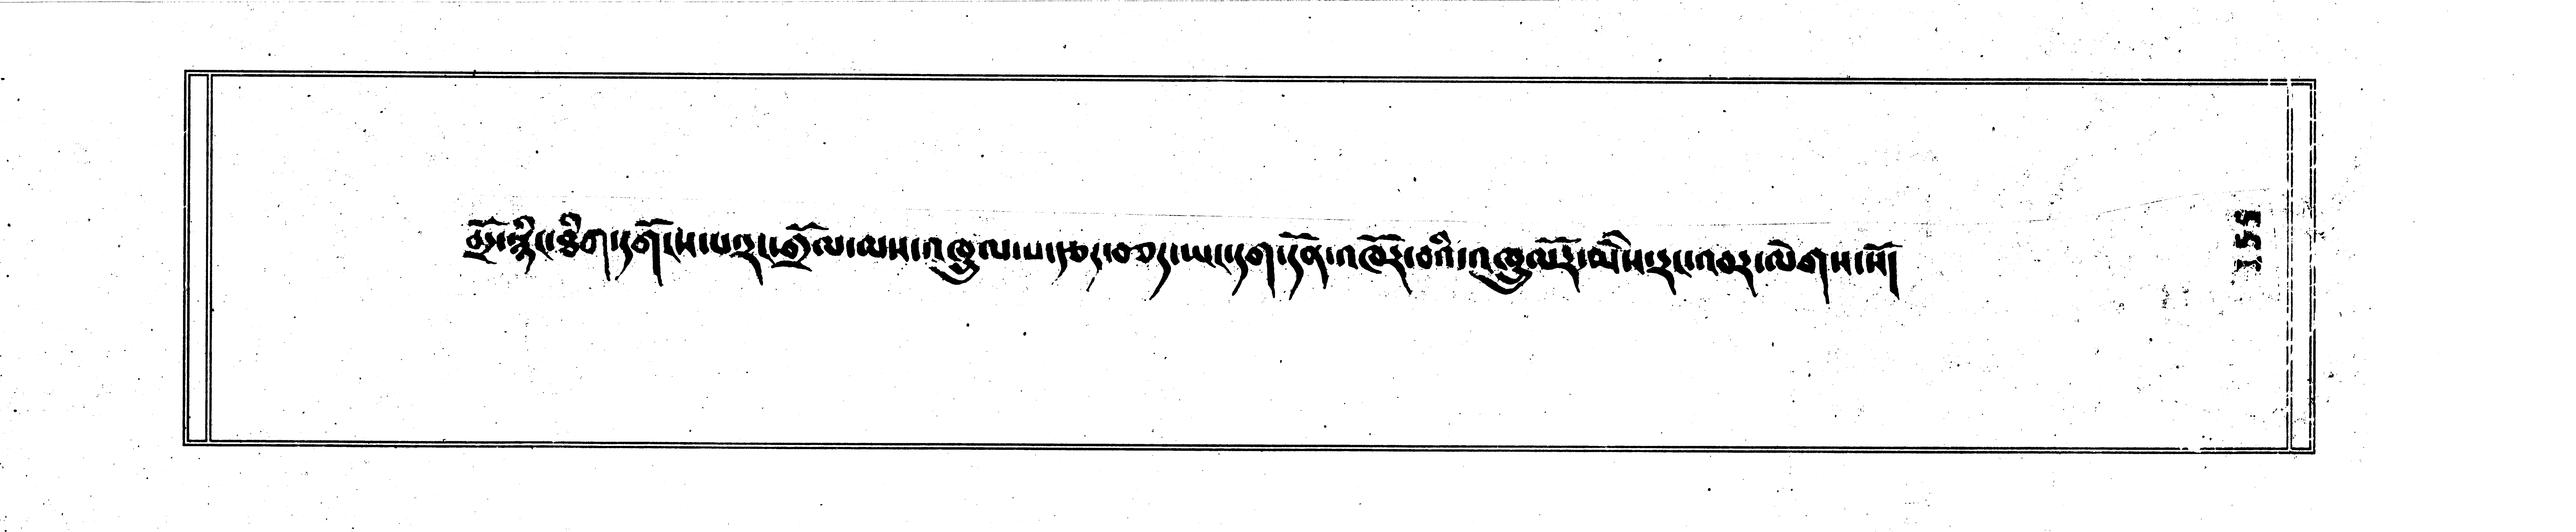མཁའ་འགྲོ་སྙིང་ཐིག་དགོངས་པ་རང་གྲོལ་ལས། འཁྲུལ་པ་རྩད་བཅད་ཡང་དག་དོན་འཁོར་བའི་འཁྲུལ་འཁོར་ཡེ་ཤེས་རང་འབར་ལེགས་སོ། །